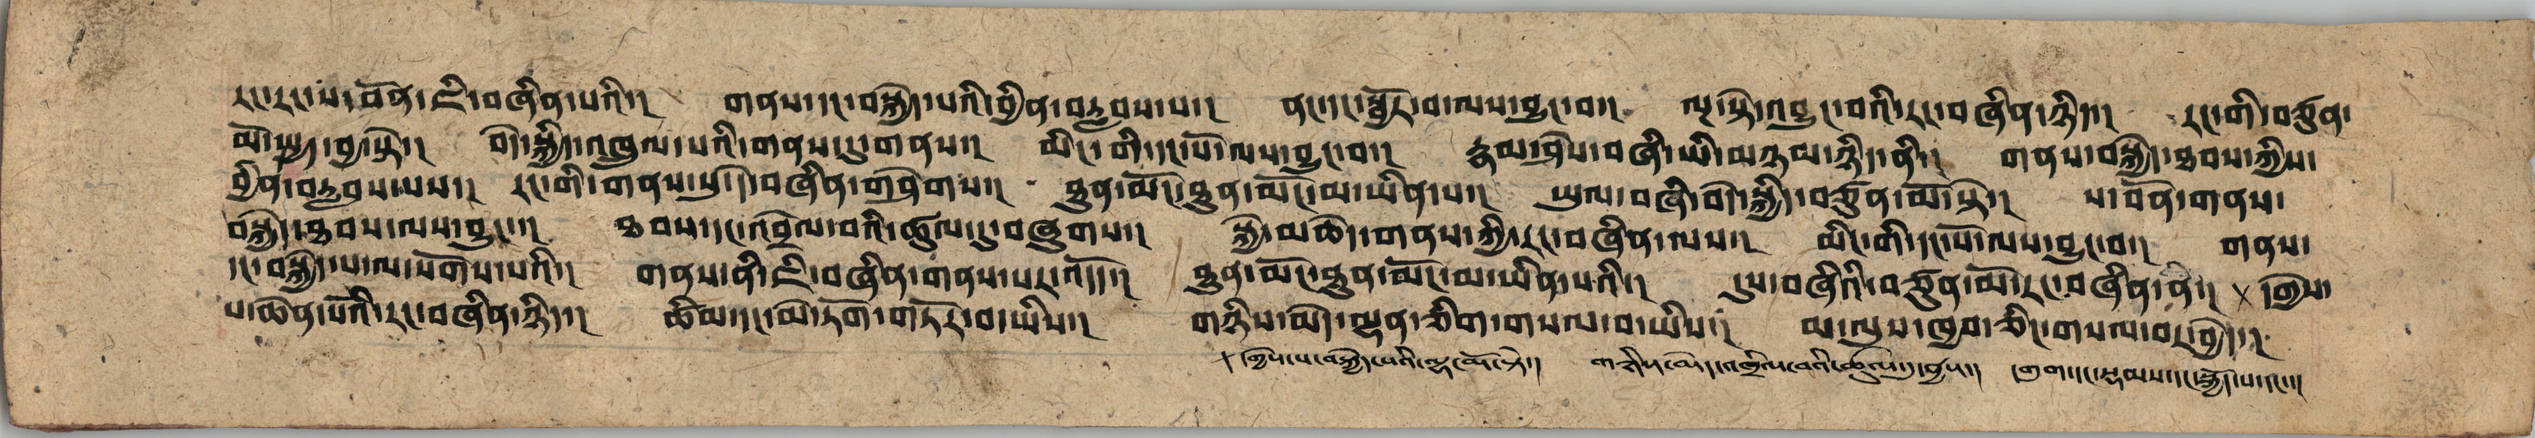རང་རང་ས་བོན་ཇི་བཞིན་པའི་། གནས་དང་བསྐྱེད་པའི་བྱིན་བརླབས་པ་། ནང་དང་སྦྱོར་བ་ལས་བྱུང་བ་། ལྔ་སྟེ་འབྱུང་བའི་རང་བཞིན་ཉིད་། རང་གི་བཙུན
མོ་སྤྱད་བྱ་སྟེ་། བདེ་སྐྱིད་འཁྲུལ་པའི་གནས་དུ་གནས་། མིང་གི་དང་པོ་ལས་བྱུང་བ་། རྣམ་ཤེས་བཞི་ཡི་མཉམ་ཉིད་ནི་། གནས་བསྐྱེད་ཐབས་ཀྱིས་
བྱིན་བརླབས་པས་། རང་གི་གནས་སུ་དེ་བཞིན་གཤེགས་། ཐུན་མོང་ཐུན་མོང་མ་ཡིན་པ་། ཡུལ་བཞི་བདེ་སྐྱིད་བཙུན་མོ་སྟེ་། ས་བོན་གནས་
བསྐྱེད་ཐབས་ལས་བྱུང་་། ཐབས་དང་འབྲེལ་བའི་ཚུལ་དུ་བཞུགས་། སྐྱེ་མཆེད་གནས་ཀྱི་རང་བཞིན་ལས་། མིང་གི་དང་པོ་ལས་བྱུང་བ་། གནས་
དང་བསྐྱེད་པ་ལ་སོགས་པའི་། གནས་ནི་ཇི་བཞིན་གནས་པར་འདོད་། ཐུན་མོང་ཐུན་མོང་མ་ཡིན་པའི་། དུས་བཞིའི་བཙུན་མོ་རང་བཞིན་ན་། དགྱེས་
པ་ཆེན་པོའི་རང་བཞིན་ཉིད་། ཚིམ་དང་མེ་ཏོག་གཏོར་བ་ཡིས་། གཉིས་མེད་ལྷན་ཅིག་གསལ་བ་ཡིས་། མ་ལུས་ཁྱབ་ཅིང་གསལ་བར་བྱེད་།
དགྱེས་པ་བསྐྱེད་པའི་ལྷ་མོ་སྟེ་། གཉིས་མེད་འཁྲིལ་བའི་ཚུལ་དུ་བྱས་། དགུག་དང་སྡམས་དང་སྐྱོད་པ་དང་་།